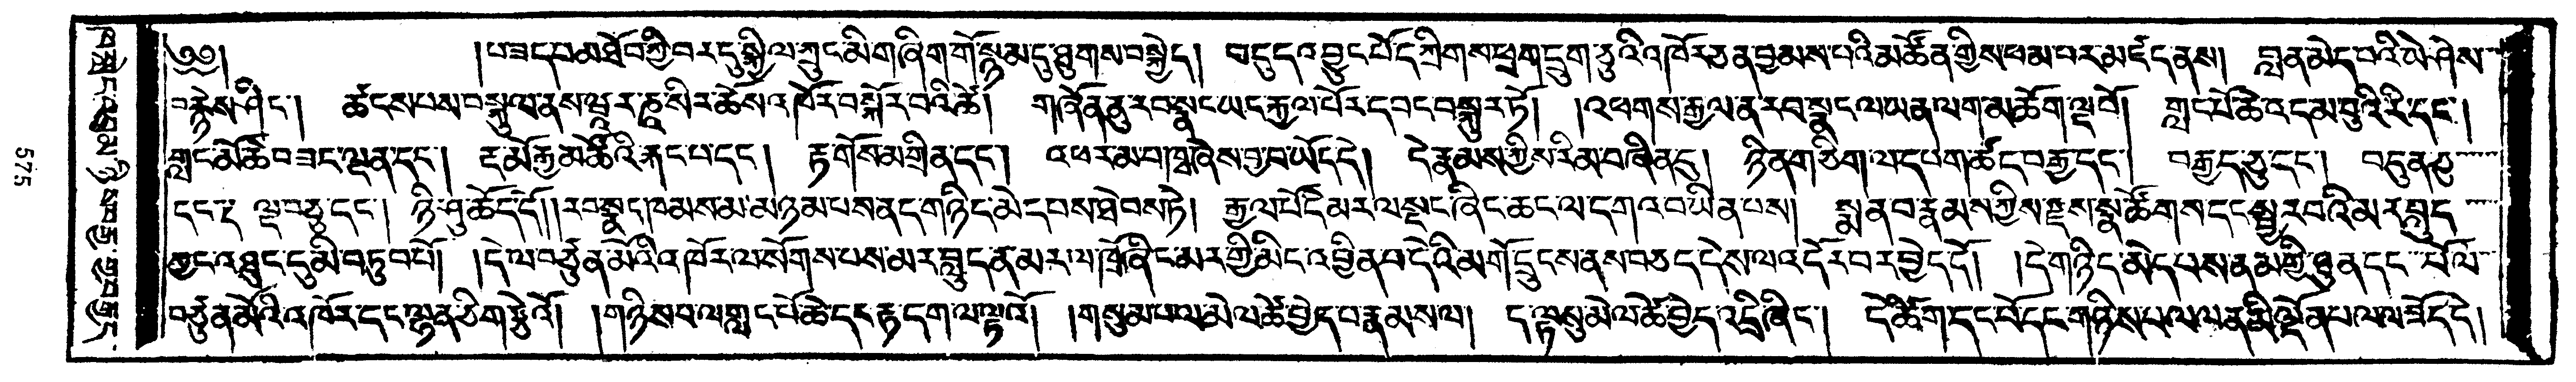༄༅། །པ་ཟད་པ་མཐོབ་ཀྱི་བར་དུ་སྐྱིལ་ཀྲུང་མི་གཞིག་གོ་སྙམ་དུ་ཐུགས་བསྐྱེད། བདུད་འབྱུང་པོ་དཀྲིགས་ཕྲག་དྲུག་ཅུའི་འཁོར་ཅན་བྱམས་པའི་མཚོན་གྱིས་ཕམ་པར་མཛད་ནས། བླ་ན་མེད་པའི་ཡེ་ཤེས་
བརྙེས་ཤིང་། ཚངས་པས་བསྐུལ་ནས་ཝཱ་ར་ཎཱ་སིར་ཆོས་འཁོར་བསྐོར་བའི་ཚེ། གཞོན་ནུ་རབ་སྣང་ཡང་རྐྱལ་པོར་དབང་བསྐུར་ཏོ། །འཕགས་རྒྱལ་ན་རབ་སྣང་ལ་ཡན་ལག་མཆོག་ལྔ་བོ། གླང་པོ་ཆེ་འདམ་བུའི་རི་དང་།
གླང་མོ་ཆེ་བཟང་ལྡན་དང་། རྔ་མོ་རྒྱ་མཚོའི་རྐང་པ་དང་། རྟ་གོས་མགྲིན་དང་། འཕར་མ་བ་ཁྭ་ཞེས་བྱ་བ་ཡོད་དེ། དེ་རྣམས་ཀྱིས་རིམ་བཞིན་དུ། ཉིན་གཅིག་ལ་དཔག་ཚང་བརྒྱ་དང་། བརྒྱད་ཅུ་དང་། བདུན་ཅུ་
དང༑ ལྔ་བཅུ་དང་། ཉི་ཤུ་ཆོད་དོ། །རབ་སྣང་ཁམས་མ་མཉམ་པས་ནད་གཉིད་མེད་པས་ཐེབས་ཏེ། རྒྱལ་པོ་དེ་མར་ལ་སྡང་ཞིང་ཆང་ལ་དགའ་བ་ཡིན་པས། སྨན་བ་རྣམས་ཀྱིས་རྫས་སྣ་ཚོགས་དང་སྦྱར་བའི་མར་བླུང་
ཀྱང་འཐུང་དུ་མི་བཏུབ་པོ། །དེ་ལ་བཙུན་མོའི་འཁོར་ལ་སོགས་པས་མར་བླུད་ན་མར་ལ་ཁྲོ་ཞིང་མར་གྱི་མིང་འབྱིན་པ་དེའི་མགོ་དྲུངས་ནས་བཅད་དེས་ལ་འདོར་བར་བྱེད་དོ། །དེ་གཉིད་མེད་པས་ནམ་གྱི་ཐུན་དང་པོ་ལ་
བཙུན་མོའི་འཁོར་དང་ལྷན་ཅིག་རྩེའོ། །གཉིས་པ་ལ་གླང་པོ་ཆེ་དང་རྟ་དག་ལ་ལྟའོ། །གསུམ་པ་ལ་མེལ་ཚེ་བྱེད་པ་རྣམས་ལ། ད་ལྟ་སུ་མེལ་ཚེ་བྱེད་འདྲི་ཞིང་། དེ་ཚིག་དང་བོ་དང་གཉིས་པ་ལ་ལན་མི་ལྡོན་པ་ལ་བཟོད་དེ།